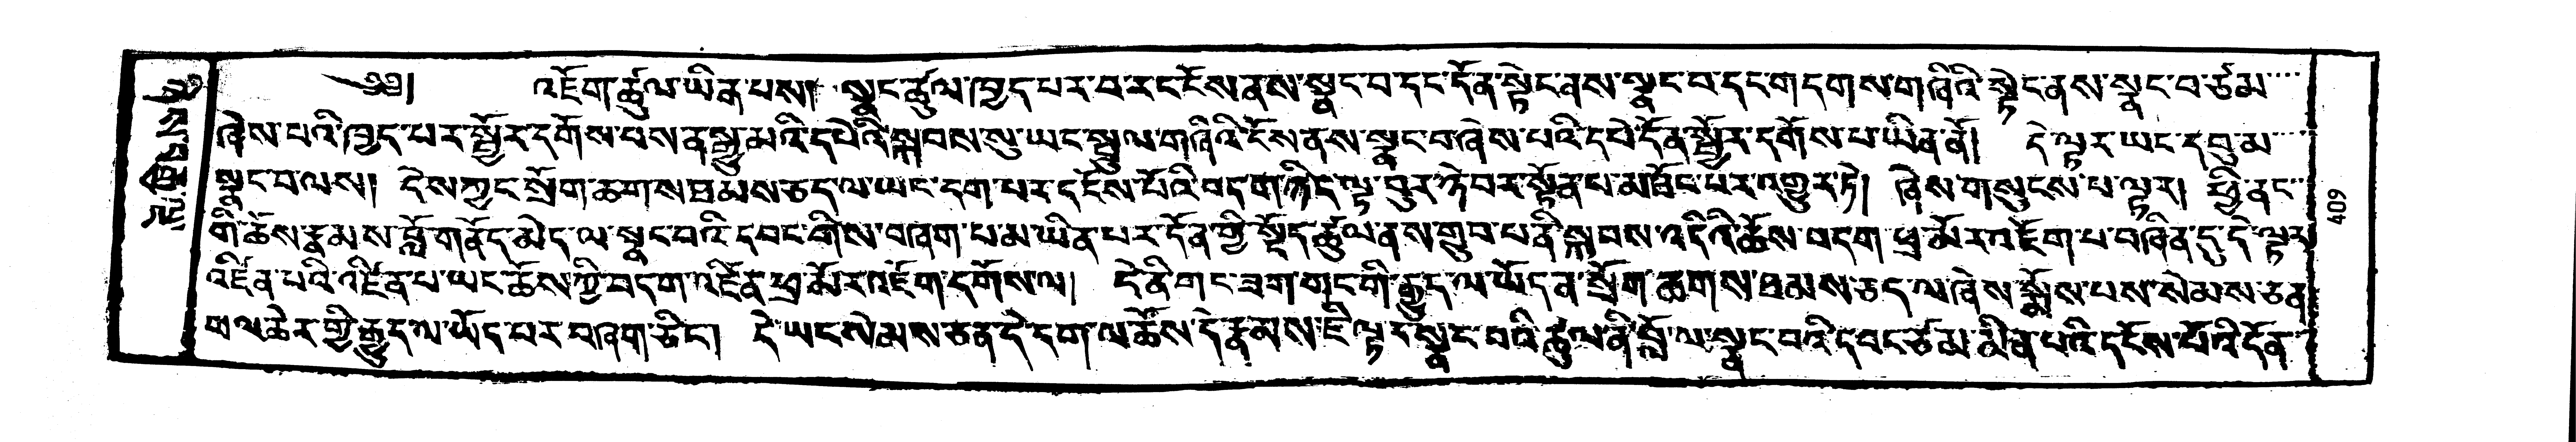༄༅། །འཇོག་ཚུལ་ཡིན་པས། སྣང་ཚུལ་ཁྱད་པར་བ་རང་ངོས་ནས་སྣང་བ་དང་དོན་སྟེང་ནས་སྣང་བ་དང་གདགས་གཞིའི་སྟེང་ནས་སྣང་བ་ཙམ་
ཞེས་པའི་ཁྱད་པར་སྦྱོར་དགོས་པས་ན་སྒྱུ་མའི་དཔེའི་སྐབས་སུ་ཡང་སྤྲུལ་གཞིའི་ངོས་ནས་སྣང་བ་ཞེས་པའི་དཔེ་དོན་སྦྱོར་དགོས་པ་ཡིན་ནོ། དེ་ལྟར་ཡང་དབུ་མ་
སྣང་བ་ལས། དེས་ཀྱང་སྲོག་ཆགས་ཐམས་ཅད་ལ་ཡང་དག་པར་དངོས་པོའི་བདག་ཉིད་ལྟ་བུར་ཉེ་བར་སྟོན་པ་མཐོང་བར་འགྱུར་ཏེ། ཞེས་གསུངས་པ་ལྟར། ཕྱི་ནང་
གི་ཆོས་རྣམས་བློ་གནོད་མེད་ལ་སྣང་བའི་དབང་གིས་བཞག་པ་མ་ཡིན་པར་དོན་གྱི་སྡོད་ཚུལ་ནས་གྲུབ་པ་ནི་སྐབས་འདིའི་ཆོས་བདག་ཕྲ་མོར་འཇོག་པ་བཞིན་དུ་དེ་ལྟར་
འཛིན་པའི་འཛིན་པ་ཡང་ཆོས་ཀྱི་བདག་འཛིན་ཕྲ་མོར་འཇོག་དགོས་ལ། དེ་ནི་གང་ཟག་གང་གི་རྒྱུད་ལ་ཡོད་ན་སྲོག་ཆགས་ཐམས་ཅད་ལ་ཞེས་སྨོས་པས་སེམས་ཅན་
ཕལ་ཆེར་གྱི་རྒྱུད་ལ་ཡོད་པར་བཞག་ཅིང་། དེ་ཡང་སེམས་ཅན་དེ་དག་ལ་ཆོས་དེ་རྣམས་ཇི་ལྟར་སྣང་བའི་ཚུལ་ནི་བློ་ལ་སྣང་བའི་དབང་ཙམ་མིན་པའི་དངོས་པོའི་དོན་